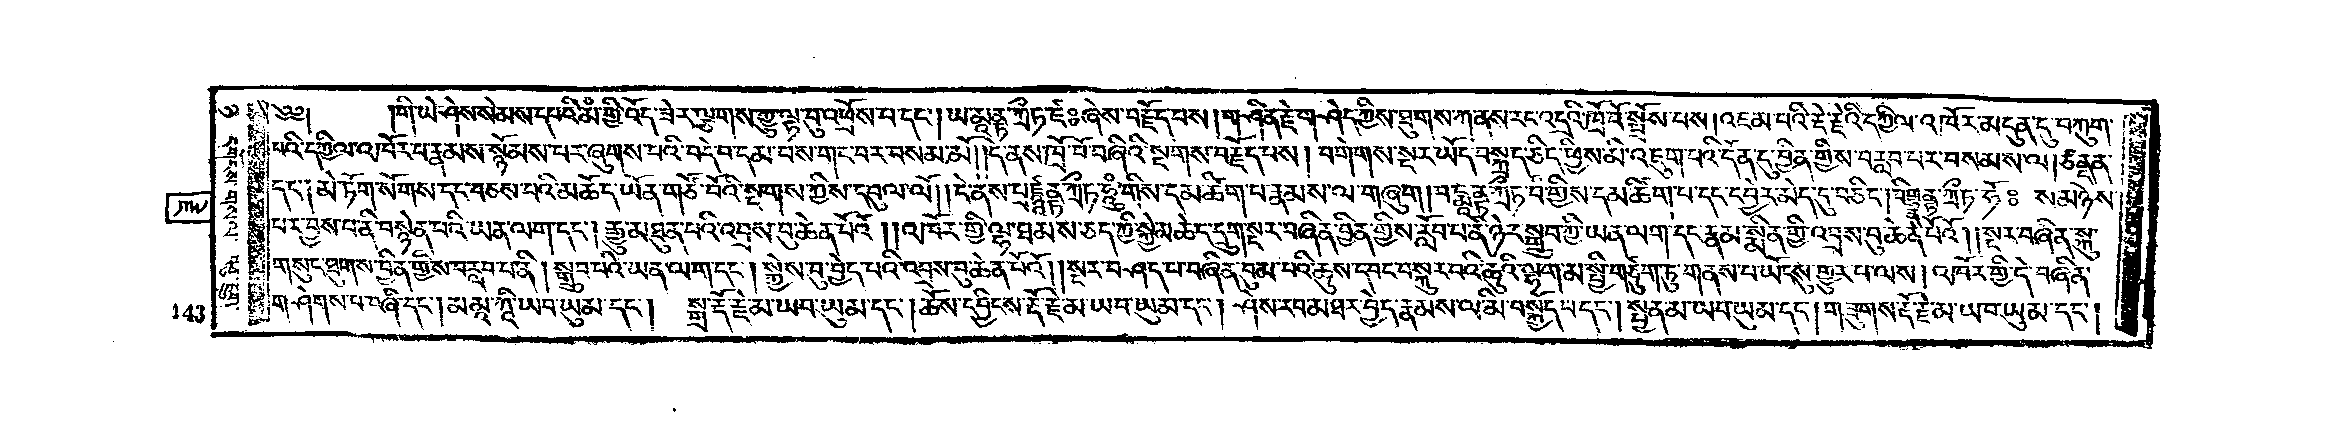༄༅། །གི་ཡེ་ཤེས་སེམས་དཔའི་མཾ་གྱི་འོད་ཟེར་ལྕགས་ཀྱུ་ལྟ་བུ་འཕྲོས་པ་དང་། ཡ་མཱནྟ་ཀྲྀ་ཏ་ཛཿ ཞེས་བརྗོད་པས། གཤིན་རྗེ་གཤེད་ཀྱིས་ཐུགས་ཀ་ནས་རང་འདྲའི་ཁྲོ་བོ་སྤྲོས་པས། འཇམ་པའི་རྡོ་རྗེའི་དཀྱིལ་འཁོར་མདུན་དུ་བཀུག་
པའི་དཀྱིལ་འཁོར་པ་རྣམས་སྙོམས་པར་ཞུགས་པའི་བདེ་བ་དམ་པས་གང་བར་བསམ་མོ། །དེ་ནས་ཁྲོ་བོ་བཞིའི་སྔགས་བརྗོད་པས། བགེགས་སྔར་ཡོད་བསྐྲད་ཅིད་ཕྱིས་མི་འཇུག་པའི་དོན་དུ་བྱིན་གྱིས་བརླབ་པར་བསམས་ལ། ཙནྡན་
དང་། མེ་ཏོག་སོགས་དང་བཅས་པའི་མཆོད་ཡོན་གཙོ་བོའི་སྔགས་ཀྱིས་དབུལ་ལོ། །དེ་ནས་པྲཛྙཱནྟ་ཀྲྀ་ཏ་ཧཱུཾ་གིས་དམ་ཚིག་པ་རྣམས་ལ་གཞུག །པདམཱནྟ་ཀྲྀ་ཏ་བཾ་གྱིས་དམ་ཚིག་པ་དང་དབྱེར་མེད་དུ་བཅིང་། བིགྷྣཱནྟ་ཀྲྀ་ཏ་ཧོཿ ས་མཉེས་
པར་བྱས་པ་ནི་བསྙེན་པའི་ཡན་ལག་དང་། རྒྱུ་མཐུན་པའི་འབྲས་བུ་ཆེན་པོའོ། །འཁོར་གྱི་ལྷ་ཐམས་ཅད་ཀྱི་སྐྱེ་མཆེད་དྲུག་སྔར་བཞིན་བྱིན་གྱིས་རློབ་པ་ནི་ཉེར་སྒྲུབ་ཀྱི་ཡན་ལག་དང་རྣམ་སྨིན་གྱི་འབྲས་བུ་ཆེན་པོའོ། །སྔར་བཞིན་སྐུ་
གསུང་ཐུགས་བྱིན་གྱིས་བརླབ་པ་ནི། སྒྲུབ་པའི་ཡན་ལག་དང་། སྐྱེས་བུ་བྱེད་པའི་འབྲས་བུ་ཆེན་པོའོ། །སྔར་བཤད་པ་བཞིན་བུམ་པའི་ཆུས་དབང་བསྐུར་བའི་ཆུའི་ལྷག་མ་སྤྱི་གཙུག་ཏུ་གནས་པ་ཡོངས་སུ་གྱུར་པ་ལས། འཁོར་གྱི་དེ་བཞིན་
གཤེགས་པ་བཞི་དང་། མ་མཱ་ཀཱི་ཡབ་ཡུམ་དང་། སྒྲ་རྡོ་རྗེ་མ་ཡབ་ཡུམ་དང་། ཆོས་དབྱིངས་རྡོ་རྗེ་མ་ཡབ་ཡུམ་དང་། ཤེས་རབ་མཐར་བྱེད་རྣམས་ལ་མི་བསྐྱོད་པ་དང་། སྤྱན་མ་ཡབ་ཡུམ་དང་། གཟུགས་རྡོ་རྗེ་མ་ཡབ་ཡུམ་དང་།